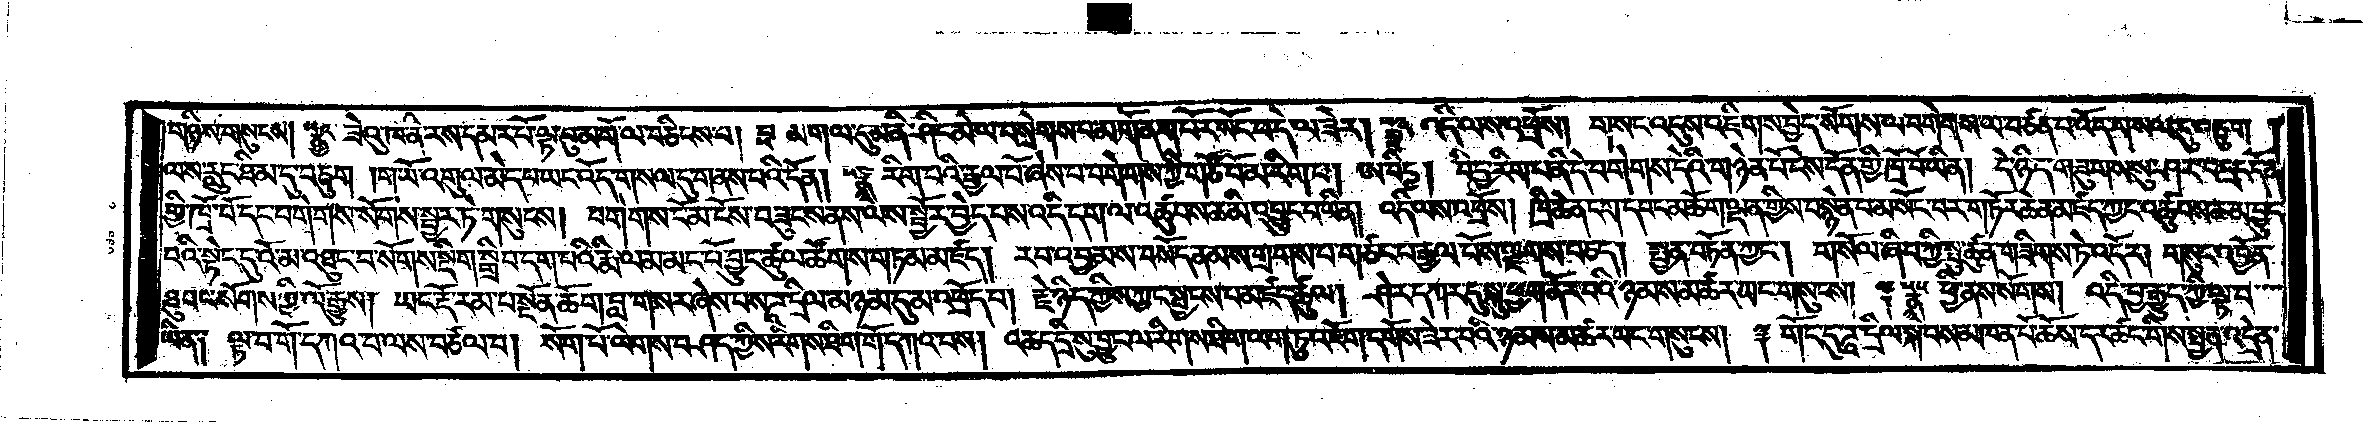པའི་གསུངས། ༥༢ན༤་ཟེའུ་ཁ་ནི་རས་དམར་པོ་ལྟ་བུ་མགོ་ལ་བཅིངས་པ། བ༥་མ་གལ་ལ་དུམ་ནི་ཤིང་མེ་ལ་བསྲེགས་མ་བ་མགོ་ནག་བོར་སོང་ཕ་དེ་ལ་ཟེར། ༥༣་འདི་ལས་འཕྲོས། གསང་འདུས་འཇིགས་བྱེད་སོགས་ལ་བགེགས་ལ་བཙན་བ་འོད་གསལ་དུ་བཅུག་
ལས་རླུང་ཐིམ་དུ་བཅུག །གཡོ་འགུལ་མེད་པ་ཡང་འོད་གསལ་དུ་གནས་པའི་དོན། ༥༤ན༣་རིག་པའི་རྒྱལ་པོ་ཞེས་པ་བགེགས་ཀྱི་གཙོ་བོ་མ་རིག་པ། ཨ་བིདྱ། བིདྱ་རིག་པ་ནི་དེ་བགེགས་དེའི་གཉེན་པོ་ངེས་དོན་གྱི་ཁྲོ་བོ་ཡིན། དེ་ཉིད་གཟུགས་སུ་ཤར་འཕྲང་དོན་
གྱི་ཁྲོ་བོ་དང་བགེགས་སོགས་སྦྱར་ཏེ་གསུངས། བགེགས་ངོ་མ་ངོས་བཟུངས་ནས་ལས་སྦྱོར་བྱེད་པས་འདི་དག་ལ་འཚུབས་ཆ་མི་འབྱུང་བ་ཡིན། འདི་ལས་འཕྲོས། ཁྲི་ཆེན་ངག་དབང་མཆོག་ལྡན་གྱིས་བསྙེན་པ་མ་སོང་བར་གཏོར་ཆེན་མཛད་ཀྱང་འཚུབས་ཆ་མ་བྱུང་
པའི་སྟེང་དུ་འོ་མ་འཐུང་བ་སོགས་སྡིག་སྒྲིབ་དག་པའི་རྨི་ལམ་མང་པོ་བྱུང་ཚུལ་ཚོགས་གཏམ་མཛད། རབ་འབྱམས་བསོད་ནམས་གྲགས་པ་གཙང་བ་རྒྱལ་བོས་ལྗགས་བཅད། སྤྱན་བཏོན་ཀྱང་། གསོལ་ཞིབ་ཀྱི་སྤུ་ཚུན་གཟིགས་ཏེ་འདོར། གསུང་འབྱོན་
བུ་བར་སོགས་ཀྱི་ལོ་རྒྱུས། ཡང་རྡོ་རམ་པ་སྔོན་ཆོག་བླ་གསར་ཞེས་པས་ཌཱ་དྲིལ་མཉམ་དུ་མ་འགྲོད་པ། རྗེ་ཉིད་ཀྱིས་ཀྱང་སྦྱངས་པ་མཛད་ཚུལ། ཤེར་དཀར་དུ་སྐུ་ཕྱག་ནོར་པའི་ཉམས་མཚར་ཡང་གསུངས། ༈ ༥༥ན༣་ཕྱི་ན་སོགས། འདི་བྱ་རྒྱུད་ཀྱི་ལྟ་བ་
ཡིན༑ ལྟ་བ་གོ་དཀའ་བ་ལས་བཙལ་བ། སོགས་པོ་ལེགས་བཤད་ཀྱིས་རིགས་ཐིག་གོ་དཀའ་བས། འཆད་དྲི་སུ་བྱུང་ལ་རིགས་ཐིག་ལག་ཏུ་འཇོག་དགོས་ཟེར་བའི་ཉམས་མཚར་ཡང་གསུངས། ༈གོང་དུ་ཌཱ་དྲིལ་སྐབས་མཁན་པོ་ཆོས་དར་ཚང་གིས་སྤྱན་འདྲེན་